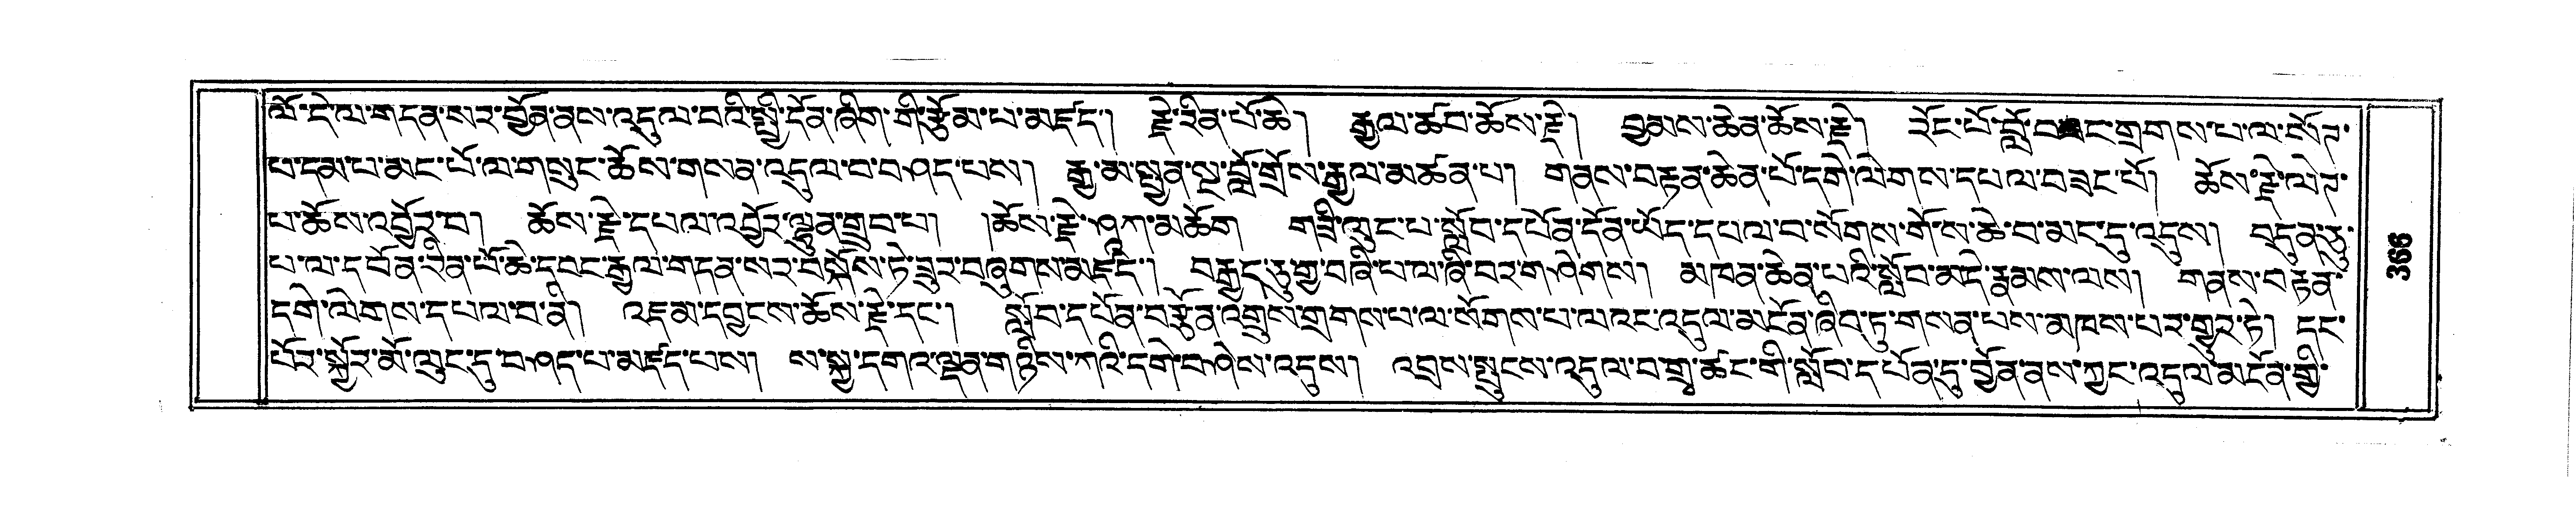ལོ་དེ་ལ་གདན་སར་བྱོན་ནས་འདུལ་བའི་སྤྱི་དོན་ཞིག་གི་རྩོམ་པ་མཛད། རྗེ་རིན་པོ་ཆེ། རྒྱལ་ཚབ་ཆོས་རྗེ། བྱམས་ཆེན་ཆོས་རྗེ། རོང་པོ་བློ་བཟང་གྲགས་པ་ལ་སོཊ་
པ་དམ་པ་མང་པོ་ལ་གསུང་ཆོས་གསན་འདུལ་བ་བཤད་པས། རྒྱ་མ་སྤྱན་སྔ་བློ་གྲོས་རྒྱལ་མཚན་པ། གནས་བརྟན་ཆེན་པོ་དགེ་ལེགས་དཔལ་བཟང་པོ། ཆོས་རྗེ་ལེཊ་
པ་ཆོས་འབྱོར་བ། ཆོས་རྗེ་དཔལ་འབྱོར་ལྷུན་གྲུབ་པ། །ཆོས་རྗེ་ཤཱཀ་མཆོག་གཟི་ལུང་པ་སློབ་དཔོན་དོན་ཡོད་དཔལ་བ་སོགས་གོ་ས་ཆེ་བ་མང་དུ་འདུས། བདུན་ཅུ་
པ་ལ་དབོན་རིན་པོ་ཆེ་དབང་རྒྱལ་གདན་སར་བསྐོས་ཏེ་ཟུར་བཞུགས་མཛད། བརྒྱད་ཅུ་གྱ་བཞི་པ་ལ་ཞི་བར་གཤེགས། མཁན་ཆེན་པའི་སློབ་མ་དེ་རྣམས་ལས། གནས་བརྟན་
དགེ་ལེགས་དཔལ་བ་ནི། འཇམ་དབྱངས་ཆོས་རྗེ་དང་། སློབ་དཔོན་བརྩོན་འགྲུས་གྲགས་པ་ལ་སོགས་པ་ལའང་འདུལ་མངོན་ཞིབ་ཏུ་གསན་པས་མཁས་པར་གྱུར་ཏེ། དང་
པོར་སྐྱོར་མོ་ལུང་དུ་བཤད་པ་མཛད་པས། ས་སྐྱ་དགའ་ལྡན་གཉིས་ཀའི་དགེ་བཤེས་འདུས། འབྲས་སྤུངས་འདུལ་བ་གྲྭ་ཚང་གི་སློབ་དཔོན་དུ་བྱོན་ནས་ཀྱང་འདུལ་མངོན་གྱི་